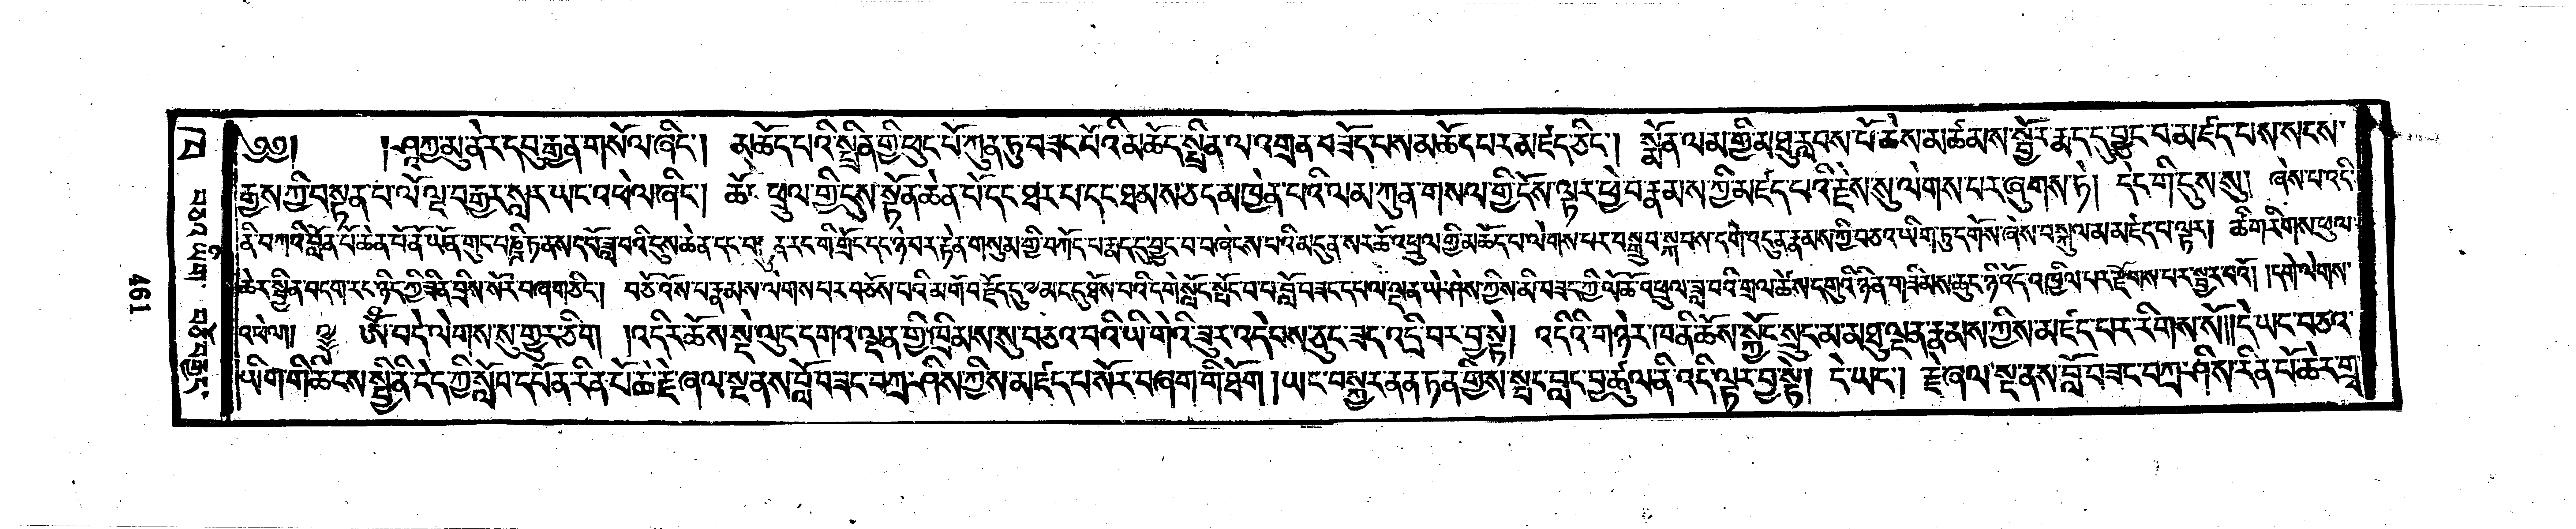༄༅། །ཤཱཀྱ་མུ་ནེར་དབུ་རྒྱན་གསོལ་ཞིང་། མཆོད་པའི་སྤྲིན་གྱི་ཕུང་པོ་ཀུན་ཏུ་བཟང་པོའི་མཆོད་སྤྲིན་ལ་འགྲན་བཟོད་པས་མཆོད་པར་མཛད་ཅིང་། སྨོན་ལམ་གྱི་མཐུ་རླབས་པོ་ཆེས་མཚམས་སྦྱོར་རྨད་དུ་བྱུང་བ་མཛད་པས་སངས་
རྒྱས་ཀྱི་བསྟན་པ་ལོ་ལྔ་བརྒྱར་སླར་ཡང་འཕེལ་ཞིང་། ཆོ་འཕྲུལ་གྱི་དུས་སྟོན་ཆེན་པོ་དང་ཐར་པ་དང་ཐམས་ཅད་མཁྱེན་པའི་ལམ་ཀུན་གསལ་གྱི་ངོས་ལྟར་ཕྱེ་བ་རྣམས་ཀྱི་མཛད་པའི་རྗེས་སུ་ལེགས་པར་ཞུགས་ཏེ། དེང་གི་དུས་སུ། ཞེས་པ་འདི་
ནི་བཀའི་བློན་པོ་ཆེན་པོ་ནོ་ཡོན་གུང་པཎྜི་ཏ་ནས་དབོ་ཟླ་བའི་དུས་ཆེན་དང་བསྟུན་རང་གི་གྲོང་དང་ཉེ་བར་རྟེན་གསུམ་གྱི་བཀོད་པ་རྨད་དུ་བྱུང་བ་བཞེངས་པའི་མདུན་སར་ཆོ་འཕྲུལ་གྱི་མཆོད་པ་ལེགས་པར་བསྒྲུབ་སྐབས་དགེ་འདུན་རྣམས་ཀྱི་བཅའ་ཡིག་ཏུ་དགོས་ཞེས་བསྐུལ་མ་མཛད་པ་ལྟར། ཚིག་རིགས་ཕུལ་
ཆེར་སྦྱིན་བདག་རང་ཉིད་ཀྱི་ཟིན་བྲིས་སོར་བཞག་ཅིང་། བཅོ་འོས་པ་རྣམས་ལེགས་པར་བཅོས་པའི་མགོ་བརྗོད་དུ་༧་མང་དུ་ཐོས་པའི་དགེ་སློང་སྤོང་བ་བློ་བཟང་དཔལ་ལྡན་ཡེ་ཤེས་ཀྱིས་མི་བཟད་ཀྱི་ལོ་ཆོ་འཕྲུལ་ཟླ་བའི་གྲལ་ཚེས་དགུའི་ཉིན་གཟིམས་ཆུང་ཉི་འོད་འཁྱིལ་པར་རྫོགས་པར་སྦྱར་བའོ། །དགེ་ལེགས་
འཕེལ།། ༈ ཨོཾ་བདེ་ལེགས་སུ་གྱུར་ཅིག །འདིར་ཆོས་སྡེ་ལུང་དགའ་ལྡན་གྱི་ཁྲིམས་སུ་བཅའ་བའི་ཡི་གེའི་ཟུར་འདེབས་ཅུང་ཟད་འདྲི་བར་བྱ་སྟེ། འདིའི་གཉེར་ཁ་ནི་ཆོས་སྐྱོང་སྲུང་མ་མཐུ་ལྡན་རྣམས་ཀྱིས་མཛད་པར་རིགས་སོ། །དེ་ཡང་བཅའ་
ཡིག་གི་ཆིངས་སྦྱི་ནི་ངེད་ཀྱི་སློབ་དཔོན་རིན་པོ་ཆེ་རྗེ་ཞལ་སྔ་ནས་བློ་བཟང་བཀྲ་ཤིས་ཀྱིས་མཛད་པ་སོར་བཞག་གི་ཐོག །ཡང་བསྐྱར་ནན་ཏན་གྱིས་སྤང་བླང་བྱ་ཚུལ་ནི་འདི་ལྟར་བྱ་སྟེ། དེ་ཡང་། རྗེ་ཞལ་སྔ་ནས་བློ་བཟང་བཀྲ་ཤིས་རིན་པོ་ཆེར་གྲྭ་